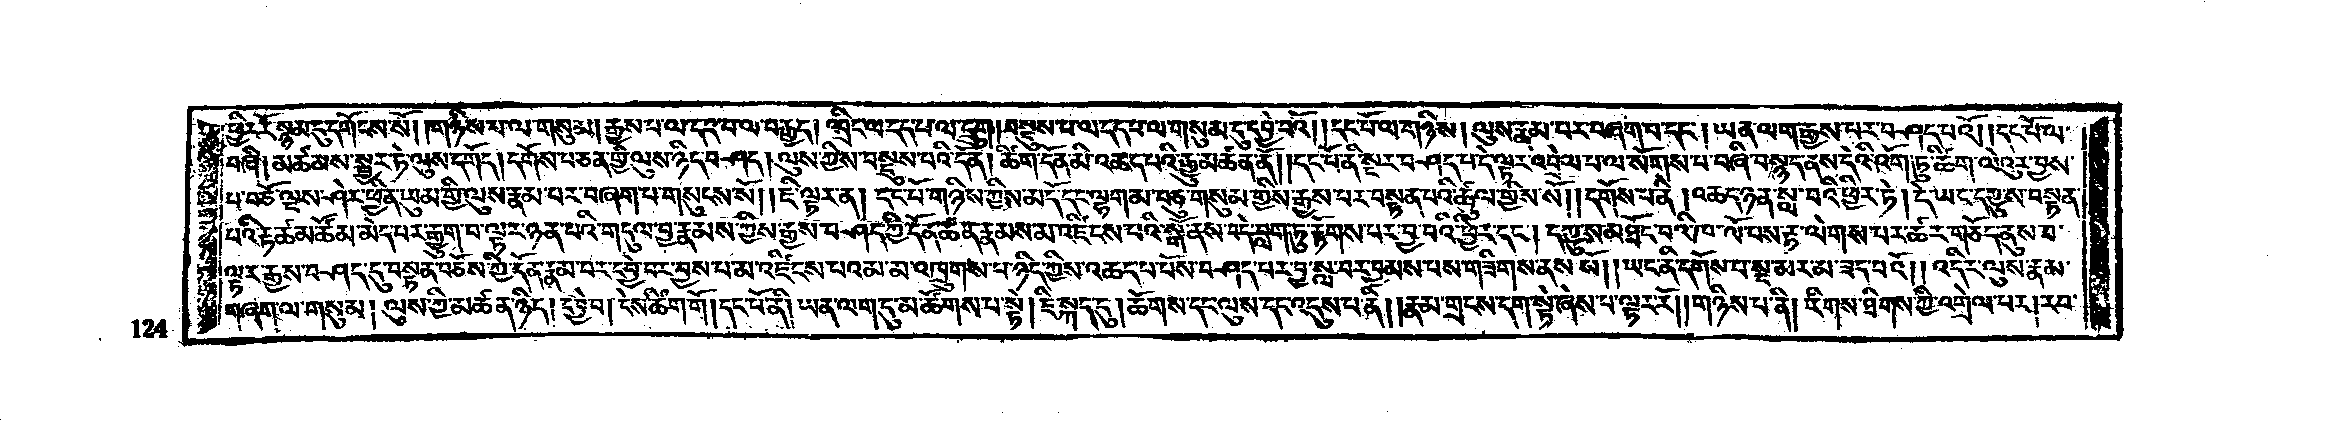ཕྱིར་རོ་སྙམ་དུ་དགོངས་སོ། །གཉིས་པ་ལ་གསུམ། རྒྱས་པ་ལ་དད་པ་ལ་བརྒྱད། འབྲིང་ལ་དད་པ་ལ་དྲུག །བསྡུས་པ་ལ་དད་པ་ལ་གསུམ་དུ་དབྱེ་བའོ། །དང་པོ་ལ་གཉིས། ལུས་རྣམ་པར་བཞག་པ་དང་། ཡན་ལག་རྒྱས་པར་བཤད་པའོ། །དང་པོ་ལ་
བཞི། མཚམས་སྦྱར་ཏེ་ལུས་དགོད། དགོས་པ་ཅན་གྱི་ལུས་ཉིད་བཤད། ལུས་ཀྱིས་བསྡུས་པའི་དོན། ཚིག་དོན་མི་འཆད་པའི་རྒྱུ་མཚན་ནོ། །དང་པོ་ནི་སྔར་བཤད་པ་དེ་ལྟར་འབྲེལ་པ་ལ་སོགས་པ་བཞི་བསྙད་ནས་དེའི་འོག་ཏུ་ཚིག་ལེའུར་བྱས་
པ་བཅོ་ལྔས་ཤེར་ཕྱིན་ཡུམ་གྱི་ལུས་རྣམ་པར་བཞག་པ་གསུངས་སོ། །ཇི་ལྟར་ན། དང་པོ་གཉིས་ཀྱིས་མདོ་དང་ལྷག་མ་བཅུ་གསུམ་གྱིས་རྒྱས་པར་བསྟན་པའི་ཚུལ་གྱིས་སོ། །དགོས་པ་ནི། འཆད་ཉན་སླ་བའི་ཕྱིར་ཏེ། དེ་ཡང་དཀྱུ་ས་བསྟན་
པའི་རྟ་ཚམ་ཚོམ་མེད་པར་རྒྱུག་བ་ལྟར་ཉན་པའི་གདུལ་བྱ་རྣམས་ཀྱིས་རྒྱས་བཤད་ཀྱི་དོན་ཚན་རྣམས་མ་འཛིངས་པའི་སྒོ་ནས་བདེ་བླག་ཏུ་རྟོགས་པར་བྱ་བའི་ཕྱིར་དང་། དཀྱུ་ས་མཐོང་བའི་ཁ་ལོ་པས་རྟ་ལེགས་པར་ཚར་གཅོད་ནུས་པ་
ལྟར་རྒྱས་བཤད་དུ་བསྟན་བཅོས་ཀྱི་དོན་རྣམ་པར་དབྱེ་བར་བྱས་པ་མ་འཛིངས་པའམ་མ་འཁྲུགས་པ་ཉིད་ཀྱིས་འཆད་པ་པོས་བཤད་པར་བྱ་སླ་བར་བྱམས་པས་གཟིགས་ནས་སོ། །ཡང་ནི་དགོས་པ་སྔ་མར་མ་ཟད་པའོ། །འདིར་ལུས་རྣམ་
གཞག་ལ་གསུམ། ལུས་ཀྱི་མཚན་ཉིད། དབྱེ་བ། ངེས་ཚིག་གོ །དང་པོ་ནི། ཡན་ལག་དུ་མ་ཚོགས་པ་སྟེ། ཇི་སྐད་དུ། ཚོགས་དང་ལུས་དང་འདུས་པ་ནི། །རྣམ་གྲངས་དག་སྟེ་ཞེས་པ་ལྟར་རོ། །གཉིས་པ་ནི། རིགས་ཐིགས་ཀྱི་འགྲེལ་པར། རབ་